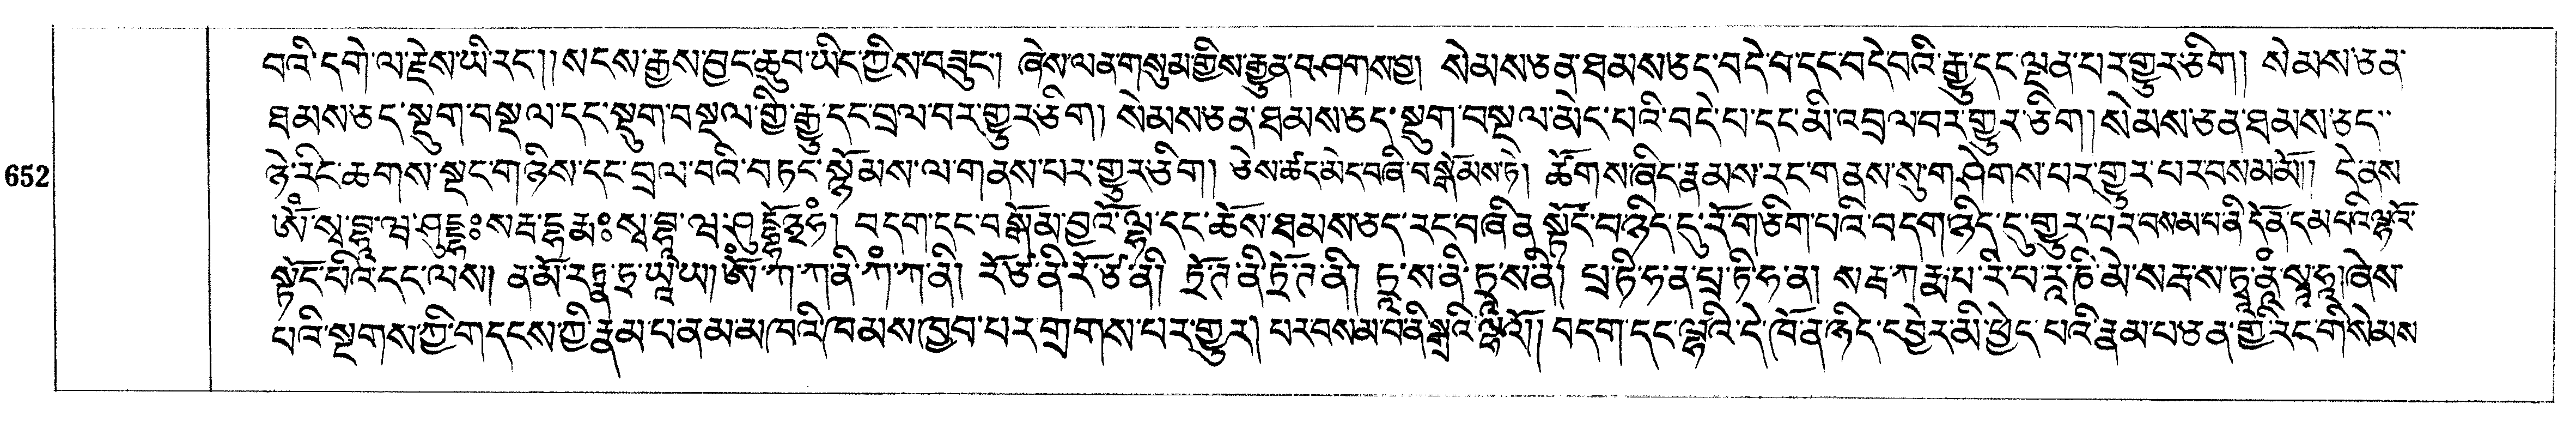བའི་དགེ་ལ་རྗེས་ཡི་རང་། །སངས་རྒྱས་བྱང་ཆུབ་ཡིད་ཀྱིས་བཟུང་། ཞེས་ལན་གསུམ་གྱིས་རྒྱུན་བཤགས་བྱ། སེམས་ཅན་ཐམས་ཅད་བདེ་བ་དང་བདེ་བའི་རྒྱུ་དང་ལྡན་པར་གྱུར་ཅིག། །སེམས་ཅན་
ཐམས་ཅད་སྡུག་བསྔལ་དང་སྡུག་བསྔལ་གྱི་རྒྱུ་དང་བྲལ་བར་གྱུར་ཅིག། སེམས་ཅན་ཐམས་ཅད་སྡུག་བསྔལ་མེད་པའི་བདེ་པ་དང་མི་འབྲལ་བར་གྱུར་ཅིག། སེམས་ཅན་ཐམས་ཅད་
ཉེ་རིང་ཆགས་སྡང་གཉིས་དང་བྲལ་བའི་བཏང་སྙོམས་ལ་གནས་པར་གྱུར་ཅིག། ཅེས་ཚང་མེད་བཞི་བསྒོམས་ཏེ།  ཚོགས་ཞིང་རྣམས་རང་གནས་སུ་གཤེགས་པར་གྱུར་པར་བསམ་མོ། དེ་ནས་
ཨོཾ་སྭ་བྷཱ་ཝ་ཤུདྡྷཿ སརྦ་དྷརྨཿ སྭ་བྷཱ་ཝ་ཤུདྷྷོཉ་ཧཾ། བདག་དང་བསྒོམ་བྱའོ་ལྷ་དང་ཆོས་ཐམས་ཅད་རང་བཞིན་སྟོང་པ་ཉིད་དུ་རོ་གཅིག་པའི་བདག་ཉིད་དུ་གྱུར་པར་བསམ་པ་ནི་དོན་དམ་པའི་ལྷའོ་
སྟོང་པའི་ངང་ལས། ན་མོ་རཏྣ་ཏྲ་ཡཱ་ཡ། ཨོཾ་ཀ་ཀ་ནི་ཀཾ་ཀ་ནི། རོ་ཙ་ནི་རོ་ཙ་ནི། ཏྲོ་ཊ་ནི་ཏྲོ་ཊ་ནི། ཏྲཱ་ས་ནི་ཏྲཱ་ས་ནི། པྲ་ཏི་ཧ་ན་པྲ་ཏི་ཧ་ན། སརྦ་ཀརྨ་པ་རི་པ་རཱ་ཎི་མེ་སརྦ་ས་ཏྭཱ་ནཱཾ་སྭཱ་ཧཱ། ཞེས་
པའི་སྔགས་ཀྱི་གདངས་ཀྱི་རྣམ་པ་ནམ་མཁའི་ཁམས་ཁྱབ་པར་གྲགས་པར་གྱུར། པར་བསམ་པ་ནི་སྒྲའི་ལྷའོ། །བདག་དང་ལྷའི་དེ་ཁོ་ན་ཉིད་དབྱེར་མི་ཕྱེད་པའི་རྣམ་པ་ཅན་གྱི་རང་གི་སེམས་